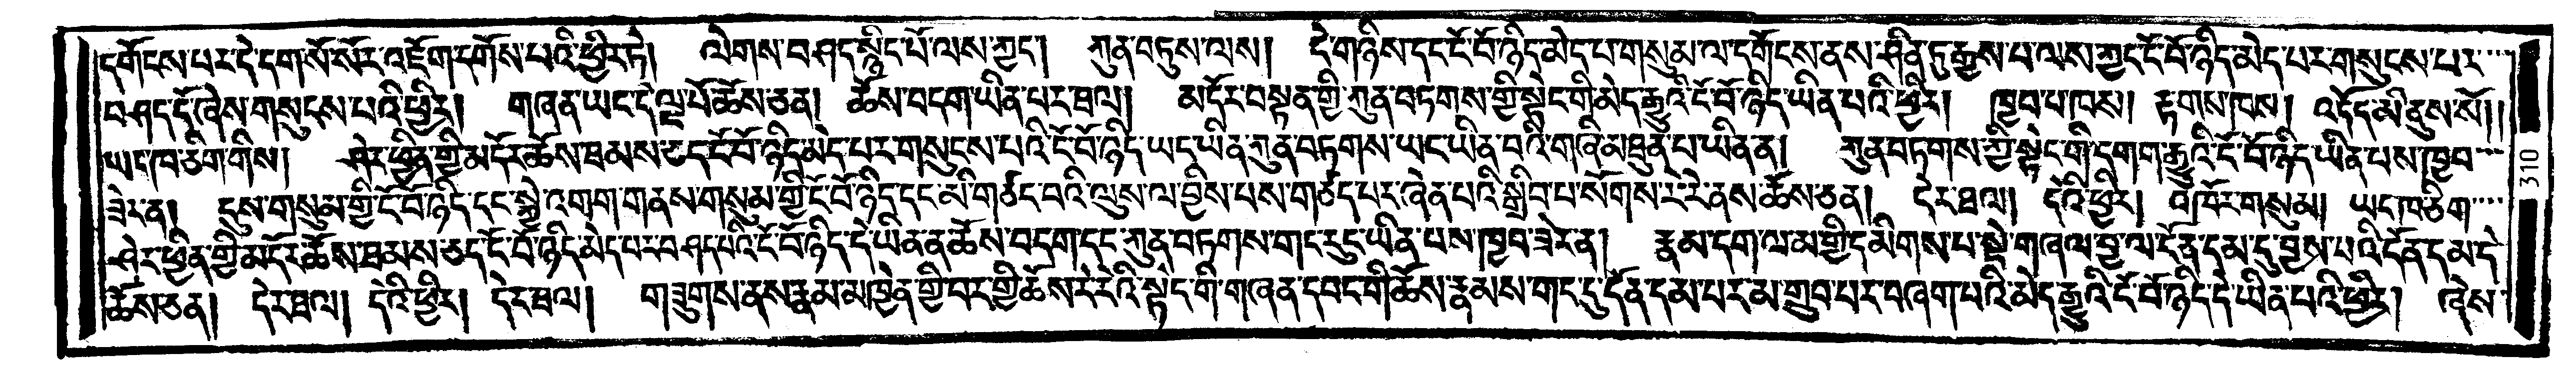དགོངས་པར་དེ་དག་སོ་སོར་འཇོག་དགོས་པའི་ཕྱིར་ཏེ། ལེགས་བཤད་སྙིང་པོ་ལས་ཀྱང་། ཀུན་བཏུས་ལས། དེ་གཉིས་དང་ངོ་བོ་ཉིད་མེད་པ་གསུམ་ལ་དགོངས་ནས་ཤིན་ཏུ་རྒྱས་པ་ལས་ཀྱང་ངོ་བོ་ཉིད་མེད་པར་གསུངས་པར་
བཤད་དོ་ཞེས་གསུངས་པའི་ཕྱིར། གཞན་ཡང་དེ་ལྔ་པོ་ཆོས་ཅན། ཆོས་བདག་ཡིན་པར་ཐལ། མདོར་བསྟན་གྱི་ཀུན་བཏགས་གྱི་སྟེང་གི་མེད་རྒྱུའི་ངོ་བོ་ཉིད་ཡིན་པའི་ཕྱིར། ཁྱབ་པ་ཁས། རྟགས་ཁས། འདོད་མི་ནུས་སོ།།
ཡང་ཁ་ཅིག་གིས། ཤེར་ཕྱིན་གྱི་མདོར་ཆོས་ཐམས་ཅད་ངོ་བོ་ཉིད་མེད་པར་གསུངས་པའི་ངོ་བོ་ཉིད་ཡང་ཡིན་ཀུན་བཏགས་ཡང་ཡིན་པའི་གཞི་མཐུན་པ་ཡིན་ན། ཀུན་བཏགས་ཀྱི་སྟེང་གི་དགག་རྒྱུའི་ངོ་བོ་ཉིད་ཡིན་པས་ཁྱབ་
ཟེར་ན། དུས་གསུམ་གྱི་ངོ་བོ་ཉིད་དང་སྐྱེ་འགག་གནས་གསུམ་གྱི་ངོ་བོ་ཉིད་དང་མི་གཙང་བའི་ལུས་ལ་བྱིས་པས་གཙང་པར་ཞེན་པའི་སྒྲིབ་པ་སོགས་རེ་རེ་ནས་ཆོས་ཅན། དེར་ཐལ། དེའི་ཕྱིར། འཁོར་གསུམ། ཡང་ཁ་ཅིག་
ཤེར་ཕྱིན་གྱི་མདོར་ཆོས་ཐམས་ཅད་ངོ་བོ་ཉིད་མེད་པར་བཤད་པའི་ངོ་བོ་ཉིད་དེ་ཡིན་ན་ཆོས་བདག་དང་ཀུན་བཏགས་གང་རུང་ཡིན་པས་ཁྱབ་ཟེར་ན། རྣམ་དག་ལམ་གྱི་དམིགས་པ་སྡེ་གཞལ་བྱ་ལ་དོན་དམ་དུ་བྱས་པའི་དོན་དམ་དེ་
ཆོས་ཅན། དེར་ཐལ། དེའི་ཕྱིར། དེར་ཐལ། གཟུགས་ནས་རྣམ་མཁྱེན་གྱི་བར་གྱི་ཆོས་རེ་རེའི་སྟེང་གི་གཞན་དབང་གི་ཆོས་རྣམས་གང་དུ་དོན་དམ་པར་མ་གྲུབ་པར་བཞག་པའི་མེད་རྒྱུའི་ངོ་བོ་ཉིད་དེ་ཡིན་པའི་ཕྱིར། ཞེས་